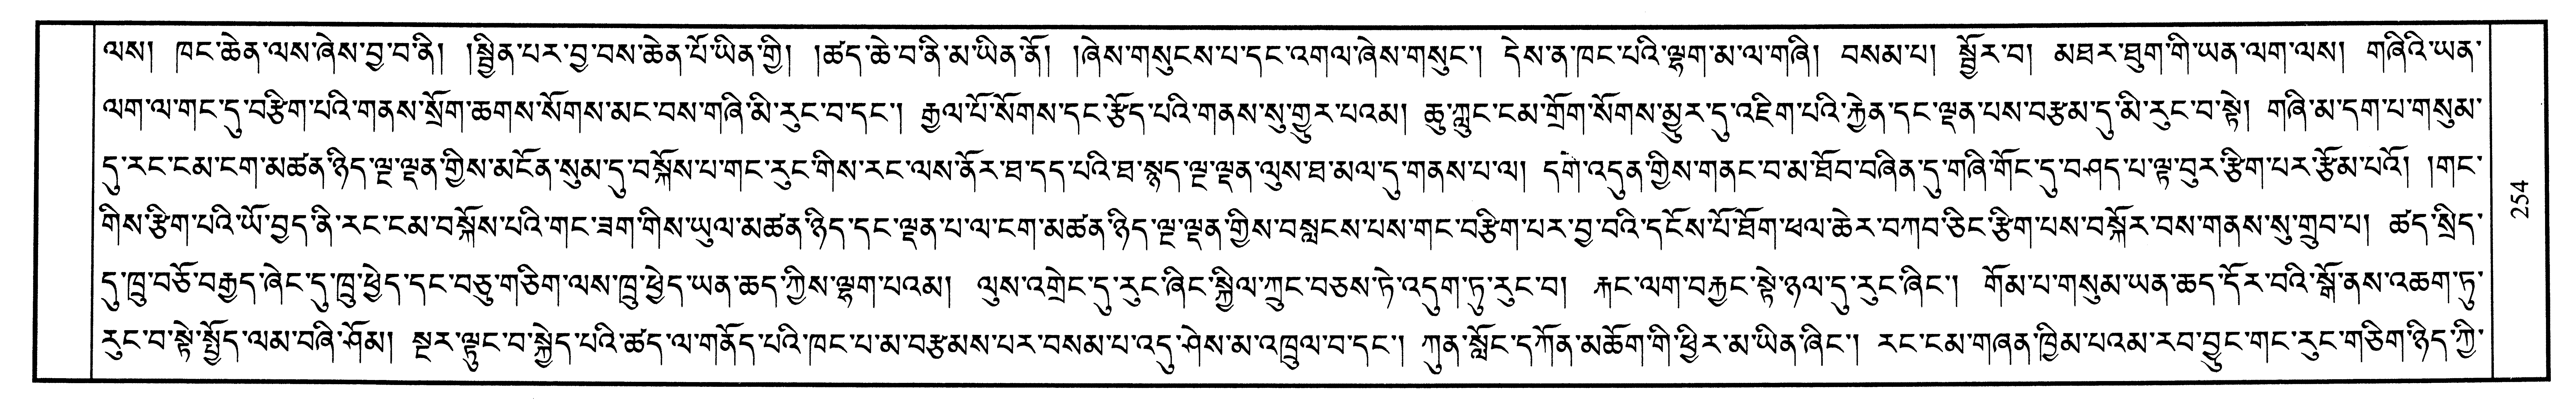ལས། ཁང་ཆེན་ལས་ཞེས་བྱ་བ་ནི། །སྦྱིན་པར་བྱ་བས་ཆེན་པོ་ཡིན་གྱི། །ཚད་ཆེ་བ་ནི་མ་ཡིན་ནོ། །ཞེས་གསུངས་པ་དང་འགལ་ཞེས་གསུང་། དེས་ན་ཁང་པའི་ལྷག་མ་ལ་གཞི། བསམ་པ། སྦྱོར་བ། མཐར་ཐུག་གི་ཡན་ལག་ལས། གཞིའི་ཡན་
ལག་ལ་གང་དུ་བརྩིག་པའི་གནས་སྲོག་ཆགས་སོགས་མང་བས་གཞི་མི་རུང་བ་དང་། རྒྱལ་པོ་སོགས་དང་རྩོད་པའི་གནས་སུ་གྱུར་པའམ། ཆུ་ཀླུང་ངམ་གྲོག་སོགས་མྱུར་དུ་འཇིག་པའི་རྐྱེན་དང་ལྡན་པས་བརྩམ་དུ་མི་རུང་བ་སྟེ། གཞི་མ་དག་པ་གསུམ་
དུ་རང་ངམ་ངག་མཚན་ཉིད་ལྔ་ལྡན་གྱིས་མངོན་སུམ་དུ་བསྐོས་པ་གང་རུང་གིས་རང་ལས་ནོར་ཐ་དད་པའི་ཐ་སྙད་ལྔ་ལྡན་ལུས་ཐ་མལ་དུ་གནས་པ་ལ། དགེ་འདུན་གྱིས་གནང་བ་མ་ཐོབ་བཞིན་དུ་གཞི་གོང་དུ་བཤད་པ་ལྟ་བུར་རྩིག་པར་རྩོམ་པའོ། །གང་
གིས་རྩིག་པའི་ཡོ་བྱད་ནི་རང་ངམ་བསྐོས་པའི་གང་ཟག་གིས་ཡུལ་མཚན་ཉིད་དང་ལྡན་པ་ལ་ངག་མཚན་ཉིད་ལྔ་ལྡན་གྱིས་བསླངས་པས་གང་བརྩིག་པར་བྱ་བའི་དངོས་པོ་ཐོག་ཕལ་ཆེར་བཀབ་ཅིང་རྩིག་པས་བསྐོར་བས་གནས་སུ་གྲུབ་པ། ཚད་སྲིད་
དུ་ཁྲུ་བཅོ་བརྒྱད་ཞེང་དུ་ཁྲུ་ཕྱེད་དང་བཅུ་གཅིག་ལས་ཁྲུ་ཕྱེད་ཡན་ཆད་ཀྱིས་ལྷག་པའམ། ལུས་འགྲེང་དུ་རུང་ཞིང་སྐྱིལ་ཀྲུང་བཅས་ཏེ་འདུག་ཏུ་རུང་བ། རྐང་ལག་བརྐྱང་སྟེ་ཉལ་དུ་རུང་ཞིང་། གོམ་པ་གསུམ་ཡན་ཆད་དོར་བའི་སྒོ་ནས་འཆག་ཏུ་
རུང་བ་སྟེ་སྤྱོད་ལམ་བཞི་ཤོམ། སྔར་ལྟུང་བ་སྐྱེད་པའི་ཚད་ལ་གནོད་པའི་ཁང་པ་མ་བརྩམས་པར་བསམ་པ་འདུ་ཤེས་མ་འཁྲུལ་བ་དང་། ཀུན་སློང་དཀོན་མཆོག་གི་ཕྱིར་མ་ཡིན་ཞིང་། རང་ངམ་གཞན་ཁྱིམ་པའམ་རབ་བྱུང་གང་རུང་གཅིག་ཉིད་ཀྱི་